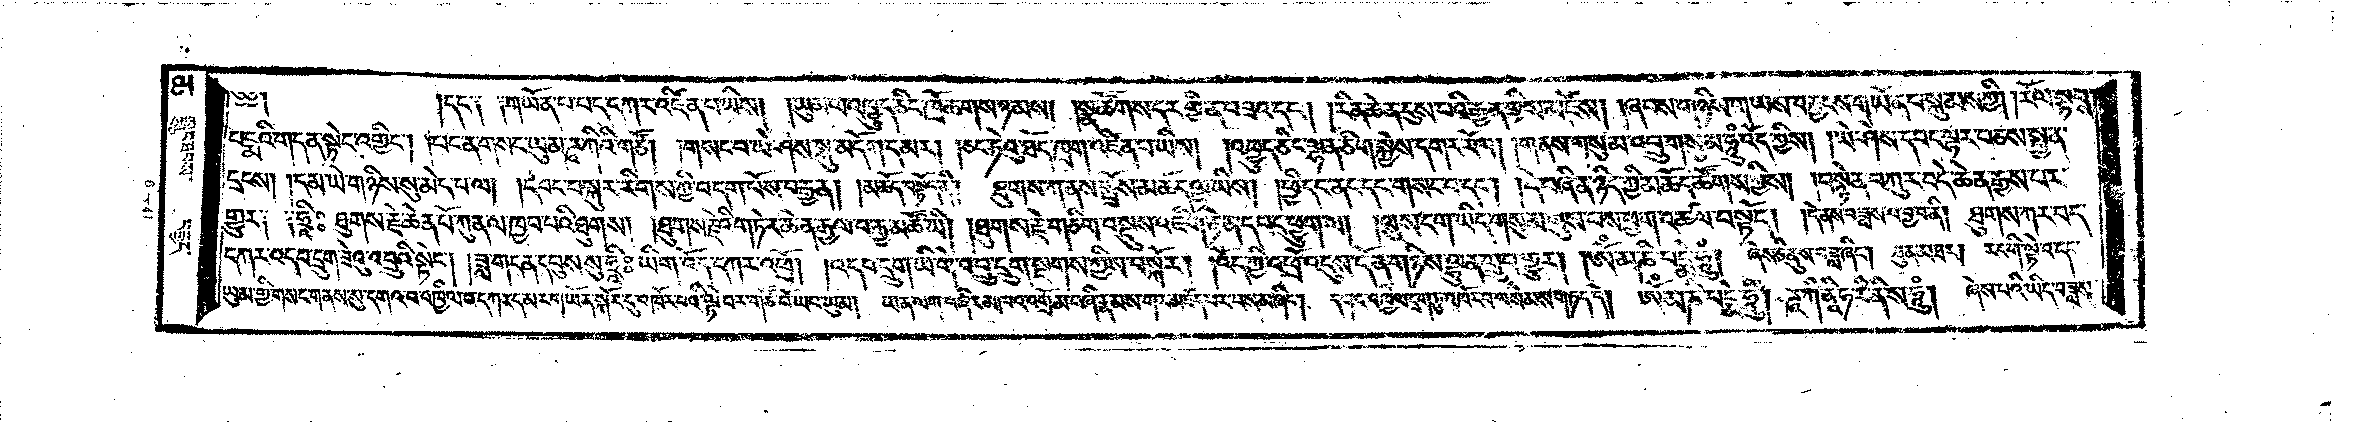༄༅། །དང༑ ༑གཡོན་པ་པད་དཀར་འཛིན་པ་ཡིས། །ཡུམ་ལ་འཁྱུད་ཅིང་ཁྲོ་ཆགས་ཉམས། །སྣ་ཚོགས་དར་གྱིན་བཟའ་དང་། །རིན་ཆེན་རུས་བའི་རྒྱན་གྱིས་མཛེས། །ཞབས་གཉིས་གཡས་བརྐྱངས་གཡོན་བསྐུམས་ཀྱི། །རོལ་སྟབས་
པདམའི་གདན་སྟེང་འགྱིང་། པང་ན་གསང་ཡུམ་ཌཱ་ཀིའི་གཙོ། །གསང་བ་ཡེ་ཤེས་སྐུ་མདོག་དམར། །ཅང་ཏེའུ་ཐོད་ཁྲག་འཛིན་པ་ཡིས། །འཁྱུད་ཅིང་ལྷན་ཅིག་སྐྱེས་དགར་རོལ། །གནས་གསུམ་འབྲུ་གསུམ་ཧཱུཾ་འོད་ཀྱིས། །ཡེ་ཤེས་དབང་ལྷར་བཅས་སྤྱན་
དྲངས། །དམ་ཡེ་གཉིས་སུ་མེད་པ་ལ། །དབང་བསྐུར་རིགས་ཀྱི་བདག་པོས་བརྒྱན། །མཆོད་བསྟོད་ནི། ཐུགས་ཀ་ནས་སྤྲོས་མཆོད་ལྷ་ཡིས། །ཕྱི་དང་ནང་དང་གསང་བ་དང་། །དེ་བཞིན་ཉིད་ཀྱི་མཆོད་ཚོགས་ཀྱིས། །བསྙེན་བཀུར་བདེ་ཆེན་རྒྱས་པར་
གྱུར༑ ༑ཧྲཱིཿ ཐུགས་རྗེ་ཆེན་པོ་ཀུན་ལ་ཁྱབ་པའི་ཐུགས། །ཐུགས་རྗེའི་གཏེར་ཆེན་རྒྱལ་བ་རྒྱ་མཚོ་ཡི། །ཐུགས་རྗེ་གཅིག་བསྡུས་འཇིག་རྟེན་དབང་ཕྱུག་ལ། །ལུས་ངག་ཡིད་གསུམ་གུས་པས་ཕྱག་འཚལ་བསྟོད། །དེ་ནས་བཟླས་པ་བྱ་བ་ནི།  ཐུགས་ཀར་པད་
དཀར་འདབ་དྲུག་ཟེའུ་འབྲུའི་སྟེང་། །ཟླ་གདན་དབུས་སུ་ཧྲཱིཿ ཡིག་འོད་དཀར་འཕྲོ། །འདབ་དྲུག་ཡི་གེ་འབྲུ་དྲུག་སྔགས་ཀྱིས་བསྐོར། །འོད་ཀྱི་འཕྲོ་འདུས་དོན་གཉིས་ལྷུན་གྲུབ་གྱུར། །ཨོཾ་མ་ཎི་པདམེ་ཧཱུཾ། ཞེས་ཅི་ནུས་བཟླ་ཞིང་། ཐུན་མཐར། རང་གི་ལྟེ་བ་དང་
ཡུམ་གྱི་གསང་གནས་སུ་དགའ་བ་འཁྱིལ་བ་དཀར་དམར་གཡོན་སྐོར་དུ་འཁོར་བའི་ལྟེ་བར་གཙོ་བོ་ཡབ་ཡུམ། ཡན་ལག་བཞིར་མཁའ་འགྲོམ་བཞི་རྣམས་གར་མཛད་པར་བསམ་ཞིང་། དགའ་འཁྱིལ་དྲག་ཏུ་འཁོར་བ་ལ་སེམས་གཉད་དེ། ཨོཾ་མ་ཎི་པདམེ་ཧཱུཾ། ཌཱ་ཀི་ནཱི་ཧ་རི་ནི་ས་ཧཱུཾ། ཞེས་པའི་ཡིད་བཟླས་